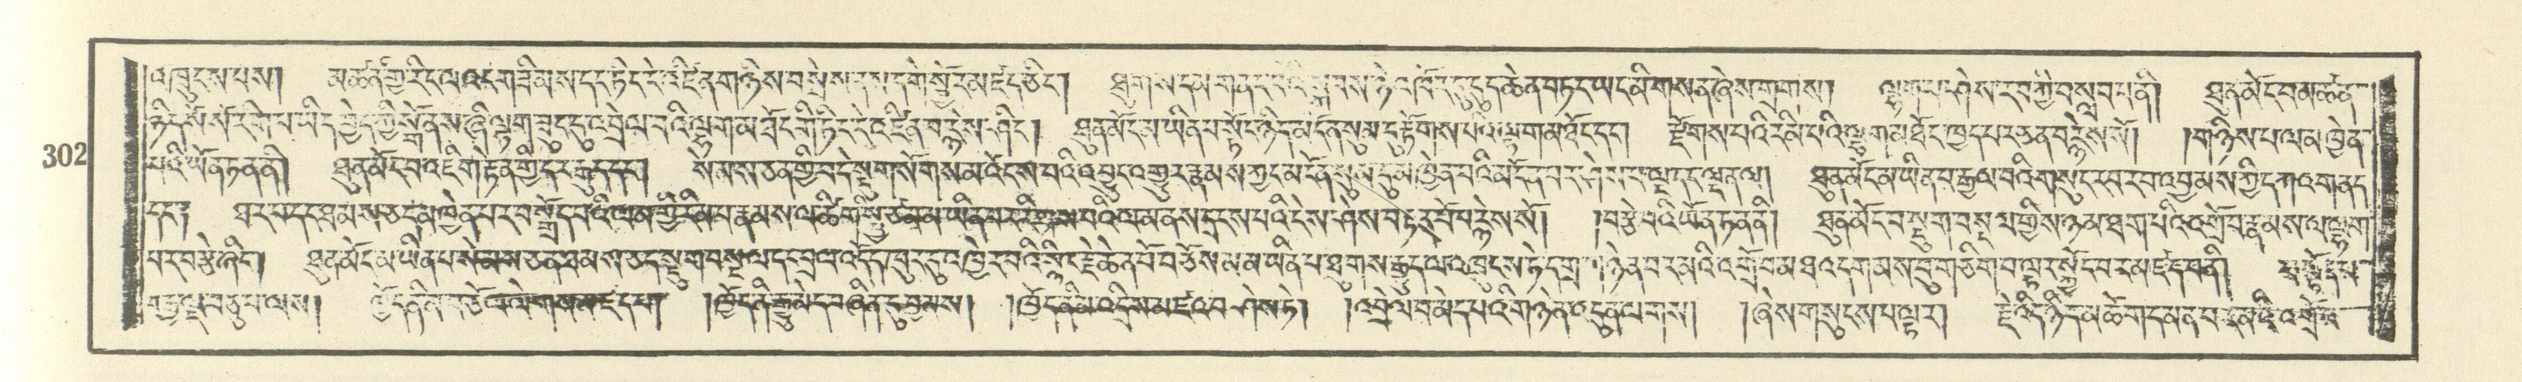འཁྲུངས་པས། མཚན་གྱི་རིང་ལའང་གཟིམས་དང་ཏིང་ངེ་འཛིན་གཉིས་བསྲེས་ནས་དགེ་སྦྱོར་མཛད་ཅིང་། ཐུགས་དམ་གནང་བའི་སྐབས་ཉེ་འཁོར་དུ་དུད་ཆེན་བཏང་ཡང་མི་གསན་ཞེས་གྲགས། ལྷག་པ་ཤེས་རབ་ཀྱི་བསླབ་པ་ནི། ཐུན་མོང་བ་མཚན་
ཉིད་སོ་སོ་རིག་པ་ཡིད་བྱེད་ཀྱི་སྒོ་ནས་ཞི་ལྷ་གཟུང་དུ་འབྲེལ་བའི་ལྷག་མཐོང་གི་ཏིང་ངེ་འཛིན་བརྙེས་ཤིང་། ཐུན་མོང་མ་ཡིན་པ་སྟོང་ཉིད་མངོན་སུམ་དུ་རྟོགས་པའི་ལྷག་མཐོང་དང་། རྫོགས་པའི་རིམ་པའི་ལྷག་མཐོང་ཁྱད་པར་ཅན་བརྙེས་སོ། །གཉིས་པ་ལ་མཁྱེན་
པའི་ཡོན་ཏན་ནི། ཐུན་མོང་བ་འཇིག་རྟེན་གྱི་དར་རྒུད་དང་། སེམས་ཅན་གྱི་བདེ་སྡུག་སོགས་མ་འོངས་པའི་འབྱུང་འགྱུར་རྣམས་ཀྱང་མངོན་སུམ་དུ་མཁྱེན་པའི་མངོན་པར་ཤེས་པ་ལྔ་དང་ལྡན་ལ། ཐུན་མོང་མ་ཡིན་པ་རྒྱལ་བའི་གསུང་རབ་རབ་འབྱམས་ཀྱི་དཀའ་གནད་
དང༑ ཐར་བ་དང་ཐམས་ཅད་མཁྱེན་པར་བསྒྲོད་པའི་ལམ་གྱི་རིམ་པ་རྣམས་ལ་ཚིག་སྤྱི་ཙམ་མ་ཡིན་པར་རིགས་པའི་ལམ་ནས་དྲངས་པའི་ངེས་ཤེས་བརྟན་པོ་བརྙེས་སོ། །བརྩེ་བའི་ཡོན་ཏན་ནི། ཐུན་མོང་བ་སྡུག་བསྔལ་གྱིས་ཉམ་ཐག་པའི་འགྲོ་བ་རྣམས་ལ་ལྷག་
པར་བརྩེ་ཞིང་། ཐུན་མོང་མ་ཡིན་པ་སེམས་ཅན་ཐམས་ཅད་སྡུག་བསྔལ་དང་བྲལ་འདོད་ཁུར་དུ་འཁྱེར་བའི་སྙིང་རྗེ་ཆེན་པོ་བཅོས་མམ་ཡིན་པ་ཐུགས་རྒྱུད་ལ་འཁྲུངས་ཏེ་དགྲ་གཉེན་པར་མའི་འགྲོ་བ་མཐའ་དག་མས་བུ་གཅིག་པ་ལྟར་སྐྱོང་བར་མཛད་པ་ནི། བསྟོད་པ་
བརྒྱ་ལྔ་བཅུ་པ་ལས། ཁྱོད་ནི་མ་བཅོལ་ལེགས་མཛད་པ། །ཁྱོད་ནི་རྒྱུ་མེད་བཞིན་དུ་བྱམས། །ཁྱོད་ནི་མ་འདྲིས་མཛའ་བཤེས་ཏེ། །འབྲེལ་བ་མེད་པའི་གཉེན་འདུན་ལགས། །ཞེས་གསུངས་པ་ལྟར། རྗེ་འདི་ཉིད་མཆོག་དམན་པར་མའི་འགྲོ་བ་